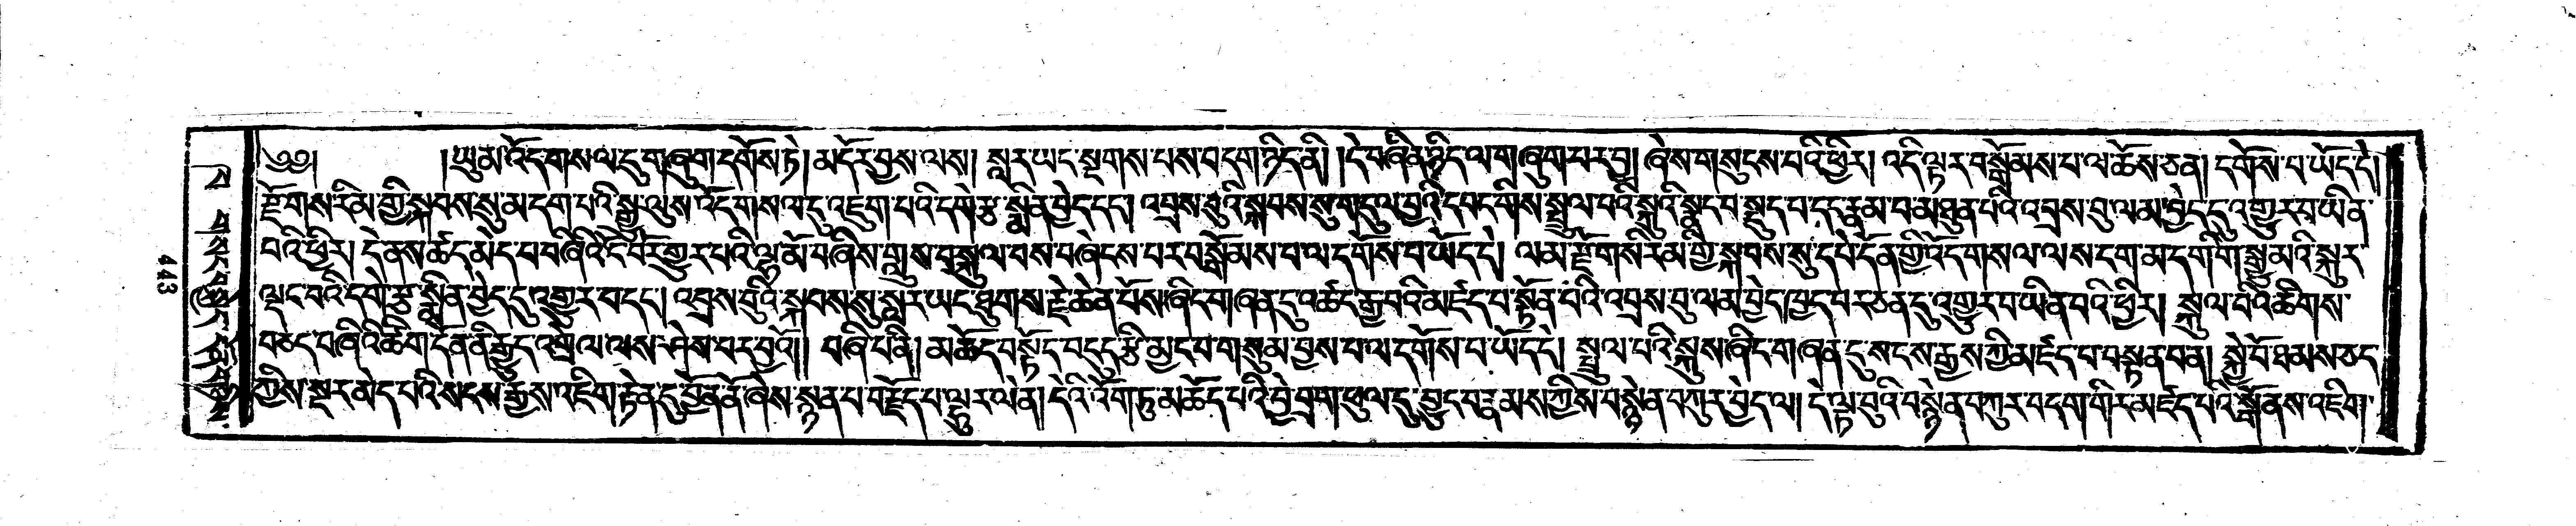༄༅། །ཡུམ་འོད་གསལ་དུ་གཞུག་དགོས་ཏེ། མདོར་བྱས་ལས། སླར་ཡང་སྔགས་པས་བདག་ཉིད་ནི། །དེ་བཞིན་ཉིད་ལ་གཞུག་པར་བྱ། ཞེས་གསུངས་པའི་ཕྱིར། འདི་ལྟར་བསྒོམས་པ་ལ་ཆོས་ཅན། དགོས་པ་ཡོད་དེ།
རྫོགས་རིམ་གྱི་སྐབས་སུ་མ་དག་པའི་སྒྱུ་ལུས་འོད་གསལ་དུ་འཇུག་པའི་དགེ་རྩ་སྨིན་བྱེད་དང་། འབྲས་བུའི་སྐབས་སུ་གདུལ་བྱའི་དབང་གིས་སྤྲུལ་པའི་སྐུའི་སྣང་བ་སྡུད་པ་དང་རྣམ་པ་མཐུན་པའི་འབྲས་བུ་ལམ་བྱེད་དུ་འགྱུར་བ་ཡིན་
པའི་ཕྱིར། དེ་ནས་ཚད་མེད་པ་བཞིའི་ངོ་བོར་གྱུར་བའི་ལྷ་མོ་བཞིས་གླུས་བསྐུལ་བས་བཞེངས་པར་བསྒོམས་པ་ལ་དགོས་པ་ཡོད་དེ། ལམ་རྫོགས་རིམ་གྱི་སྐབས་སུ་དཔེ་དོན་གྱི་འོད་གསལ་ལས་ངག་མ་དག་གི་སྒྱུ་མའི་སྐུར་
ལྡང་བའི་དགེ་རྩ་སྨིན་བྱེད་དུ་འགྱུར་བ་དང་། འབྲས་བུའི་སྐབས་སུ་སླར་ཡང་ཐུགས་རྗེ་ཆེན་པོས་ཞིང་གཞན་དུ་འཚང་རྒྱ་བའི་མཛད་པ་སྟོན་པའི་འབྲས་བུ་ལམ་བྱེད་ཁྱད་པར་ཅན་དུ་འགྱུར་བ་ཡིན་པའི་ཕྱིར། སྐུལ་བའི་ཚིགས་
བཅད་བཞིའི་ཚིག་དོན་ནི་རྒྱུད་འགྲེལ་ལས་ཤེས་པར་བྱའོ། །བཞི་པ་ནི། མཆོད་བསྟོད་བདུད་རྩི་མྱང་བ་གསུམ་བྱས་པ་ལ་དགོས་པ་ཡོད་དེ། སྤྲུལ་པའི་སྐུས་ཞིང་གཞན་དུ་སངས་རྒྱས་ཀྱི་མཛད་པ་བསྟན་པ་ན། སྐྱེ་བོ་ཐམས་ཅད་
ཀྱིས་སྔར་མེད་པའི་སངས་རྒྱས་འཇིག་རྟེན་དུ་བྱོན་ནོ་ཞེས་སྙན་པ་བརྗོད་པ་ལྷུར་ལེན། དེའི་འོག་ཏུ་མཆོད་པའི་བྱེ་བྲག་ཕུལ་དུ་བྱུང་བ་རྣམས་ཀྱིས་བསྙེན་བཀུར་བྱེད་ལ། དེ་ལྟ་བུའི་བསྙེན་བཀུར་བདག་གིར་མཛད་པའི་སྒོ་ནས་འཇིག་